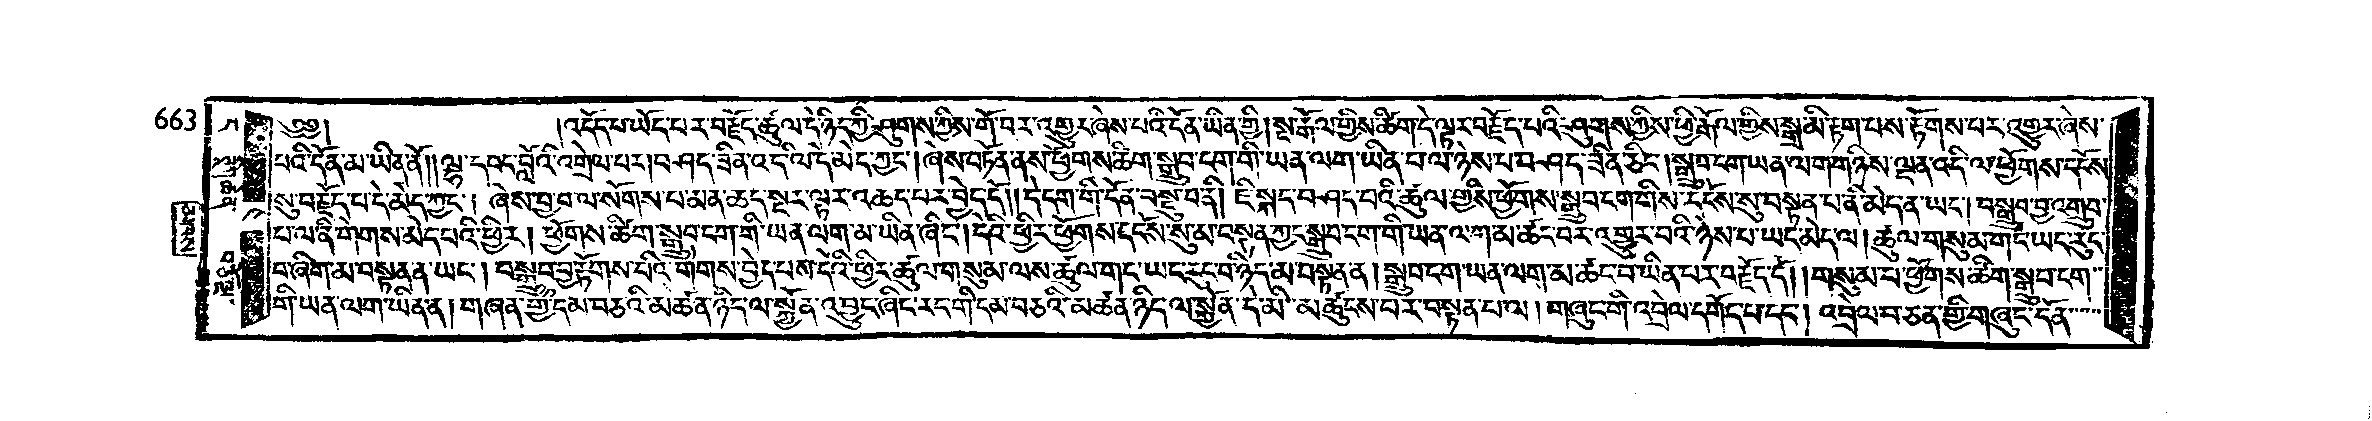༄༅། །འདོད་པ་ཡོད་པར་བརྗོད་ཚུལ་དེ་ཉིད་ཀྱི་ཤུགས་ཀྱིས་གོ་བར་འགྱུར་ཞེས་པའི་དོན་ཡིན་གྱི། སྔ་རྒོལ་གྱིས་ཚིག་དེ་ལྟར་བརྗོད་པའི་ཤུགས་ཀྱིས་ཕྱི་རྒོལ་གྱིས་སྒྲ་མི་རྟག་པས་རྟོགས་པར་འགྱུར་ཞེས་
པའི་དོན་མ་ཡིན་ནོ། །ལྷ་དབང་བློའི་འགྲེལ་པར། བཤད་ཟིན་འདི་ལེ་དེ་མེད་ཀྱང་། ཞེས་བཏོན་ནས་ཕྱོགས་ཚིག་སྒྲུབ་ངག་གི་ཡན་ལག་ཡིན་པ་ལ་ཉེས་པ་བཤད་ཟིན་ཅིང་། སྒྲུབ་ངག་ཡན་ལག་གཉིས་ལྡན་འདི་ལ་ཕྱོགས་དངོས་
སུ་བརྗོད་པ་དེ་མེད་ཀྱང་། ཞེས་བྱ་བ་ལ་སོགས་པ་མན་ཆད་སྔར་ལྟར་འཆད་པར་བྱེད་དོ། །དེ་དག་གི་དོན་བསྡུ་བ་ནི། ཇི་སྐད་བཤད་པའི་ཚུལ་གྱིས་ཕྱོགས་སྒྲུབ་ངག་གིས་དངོས་སུ་བསྟན་པ་ནི་མེད་ན་ཡང་། བསྒྲུབ་བྱ་འགྲུབ་
པ་ལ་ནི་གེགས་མེད་པའི་ཕྱིར། ཕྱོགས་ཚིག་སྒྲུབ་ངག་གི་ཡན་ལག་མ་ཡིན་ཞིང་། དེའི་ཕྱིར་ཕྱོགས་དངོས་སུ་མ་བསྟན་ཀྱང་སྒྲུབ་ངག་གི་ཡན་ལག་མ་ཚང་བར་འགྱུར་བའི་ཉེས་པ་ཡང་མེད་ལ། ཚུལ་གསུམ་གང་ཡང་རུང་
བ་ཞིག་མ་བསྟན་ན་ཡང་། བསྒྲུབ་བྱ་རྟོགས་པའི་གེགས་བྱེད་པས་དེའི་ཕྱིར་ཚུལ་གསུམ་ལས་ཚུལ་གང་ཡང་རུང་བ་ཉིད་མ་བསྟན་ན། སྒྲུབ་ངག་ཡན་ལག་མ་ཚང་བ་ཡིན་པར་བརྗོད་དོ། །གསུམ་པ་ཕྱོགས་ཚིག་སྒྲུབ་ངག་
གི་ཡན་ལག་ཡིན་ན། གཞན་གྱི་དམ་བཅའི་མཚན་ཉིད་ལ་སྐྱོན་འབྱུང་ཞིང་རང་གི་དམ་བཅའི་མཚན་ཉིད་ལ་སྐྱོན་དེ་མི་མཚུངས་པར་བསྟན་པ་ལ། གཞུང་གི་འབྲེལ་དགོད་པ་དང་། འབྲེལ་བ་ཅན་གྱི་གཞུང་དོན་